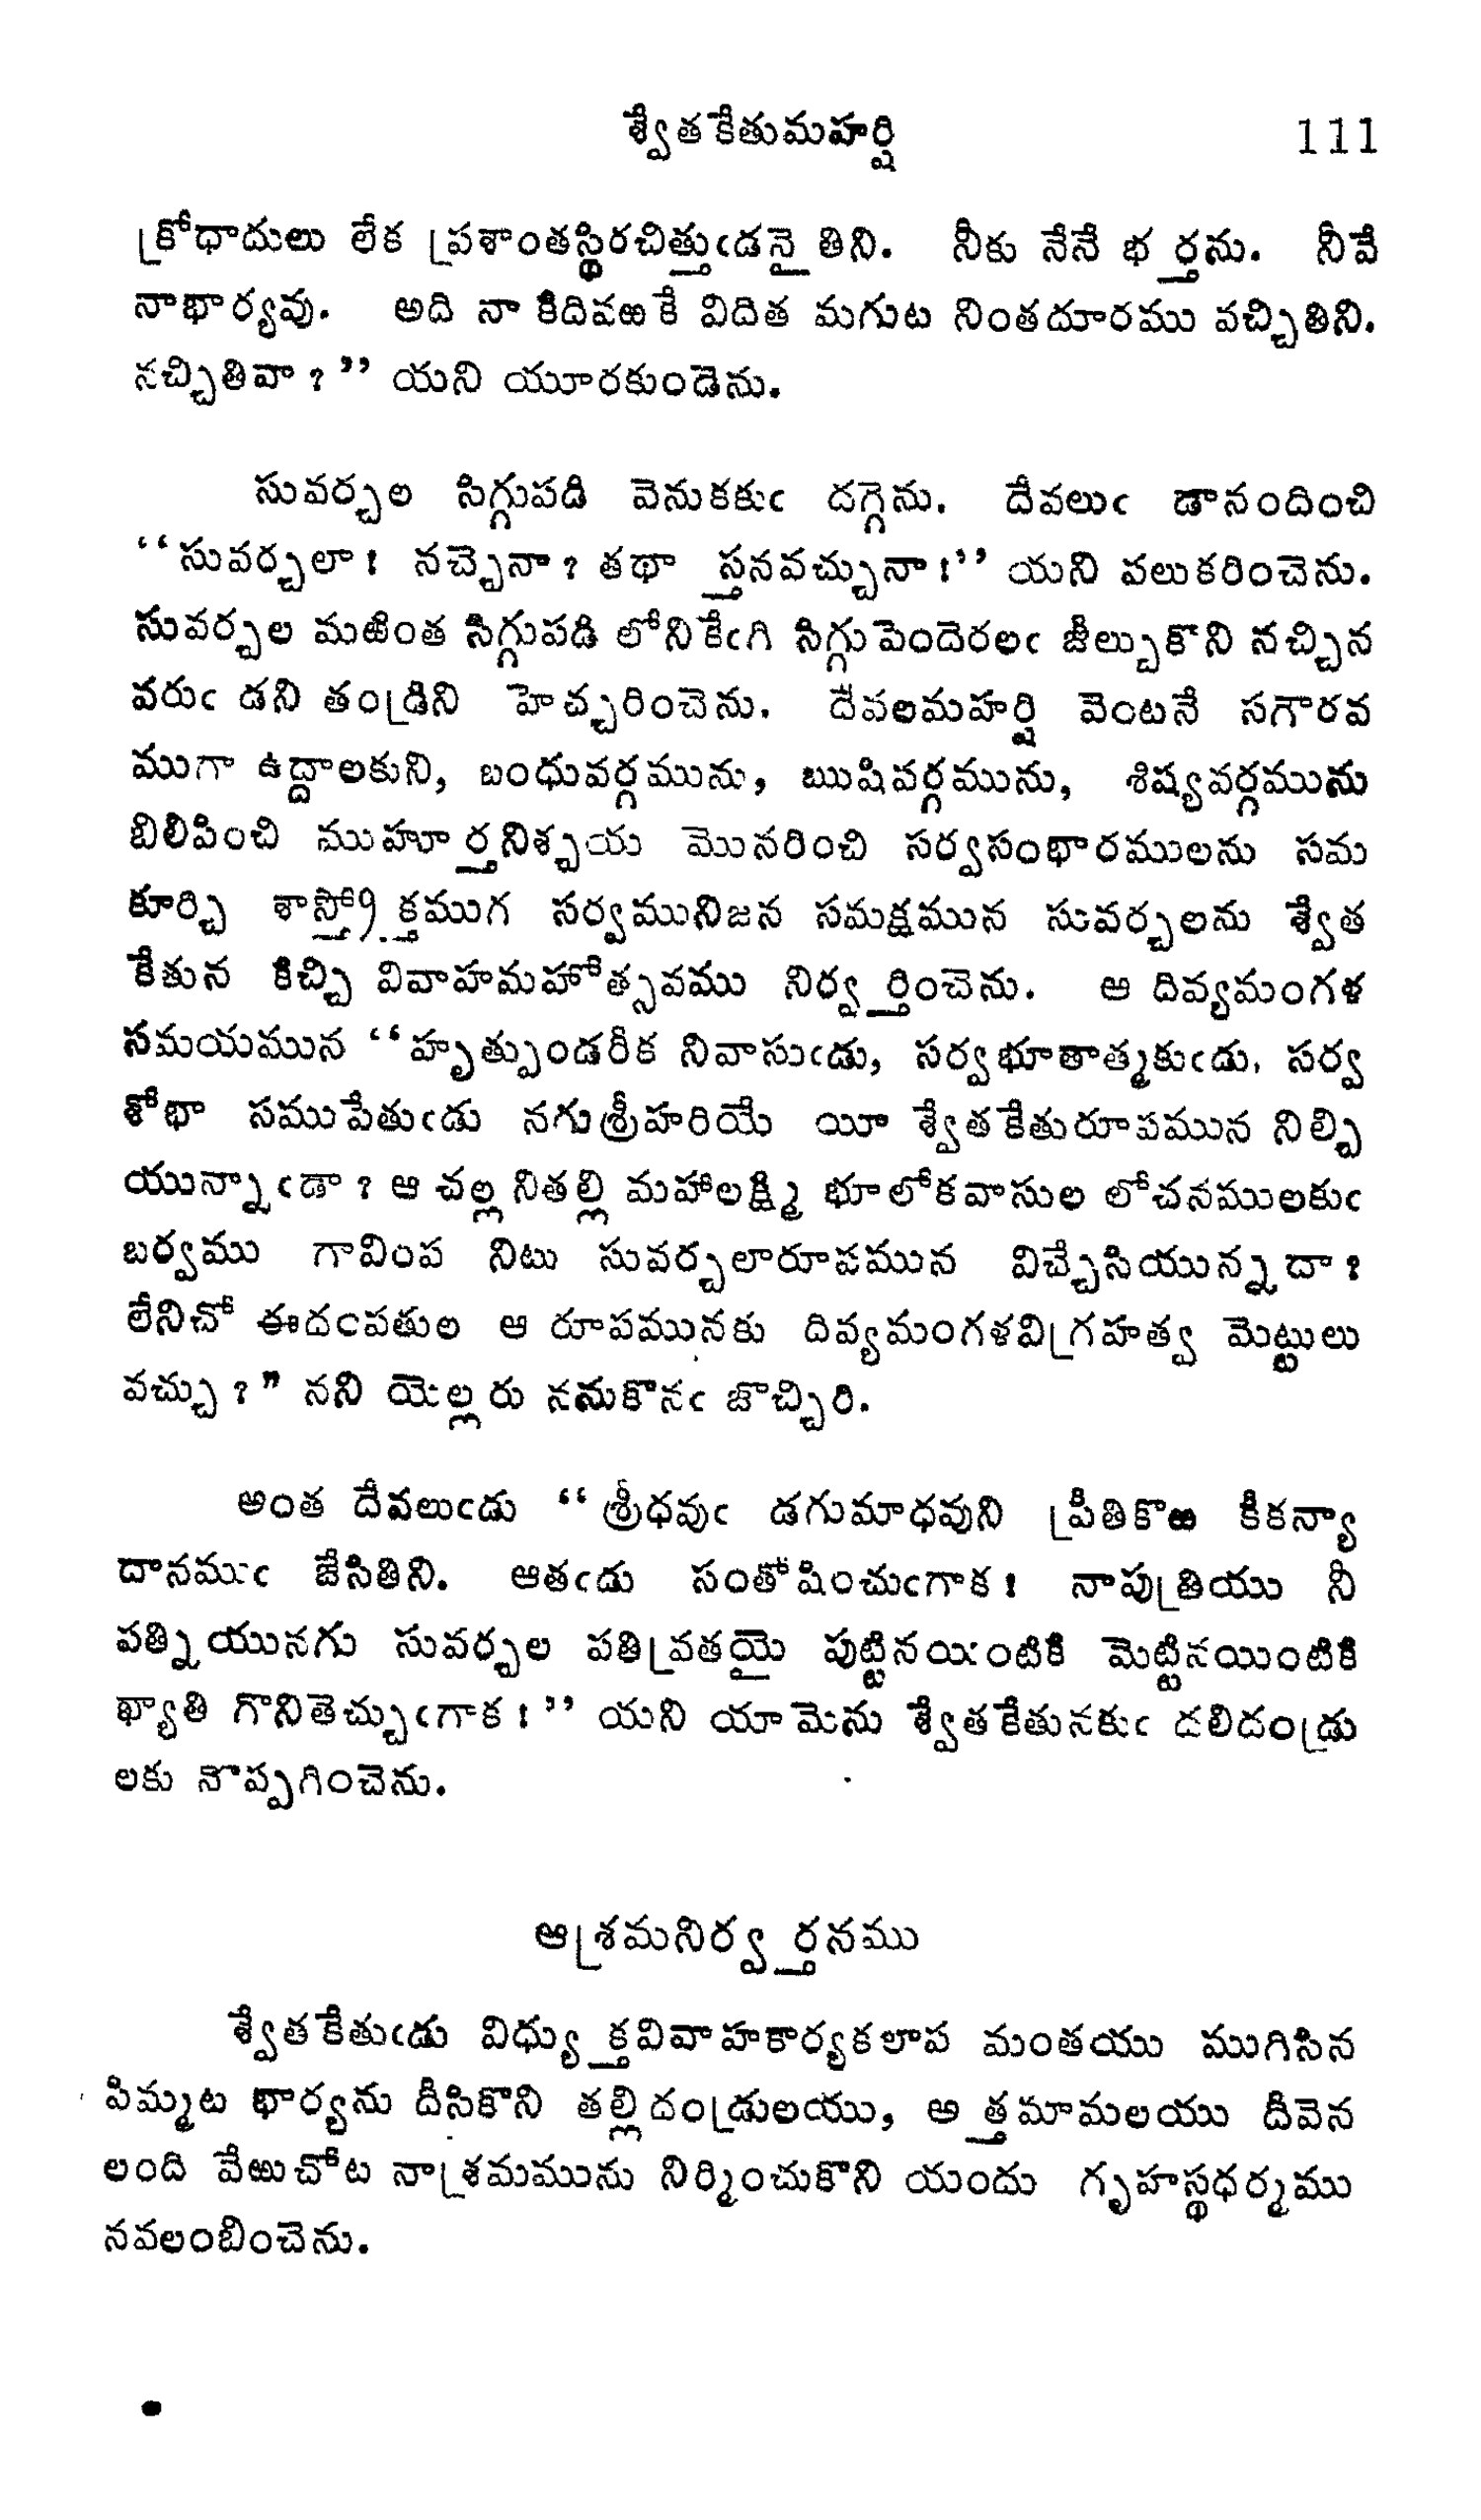క్రోధాదులు లేక ప్రశాంతస్థిరచిత్తుఁడనై తిని. నీకు నేనే భర్తను. నీవే నాభార్యవు. అది నా కిదివఱకే విదిత మగుట నింతదూరము వచ్చితిని. నచ్చితివా ? ” యని యూరకుండెను.

సువర్చల సిగ్గుపడి వెనుకకుఁ దగ్గెను. దేవలుఁ డానందించి “సువర్చలా! నచ్చెనా? తథా స్తనవచ్చునా!" యని పలుకరించెను. సువర్చల మఱింత సిగ్గుపడి లోనికేఁగి సిగ్గుపెందెరలఁ జీల్చుకొని నచ్చినవరుఁ డని తండ్రిని హెచ్చరించెను. దేవలమహర్షి వెంటనే సగౌరవముగా ఉద్దాలకుని, బంధువర్గమును , ఋషివర్గమును, శిష్యవర్గమును బిలిపించి ముహూర్తనిశ్చయ మొనరించి సర్వసంభారములను సమకూర్చి శాస్త్రోక్తముగ సర్వమునిజన సమక్షమున సువర్చలను శ్వేతకేతున కిచ్చి వివాహమహోత్సవము నిర్వర్తించెను. ఆ దివ్యమంగళ సమయమున “హృత్పుండరీక నివాసుఁడు, సర్వభూతాత్మకుఁడు, సర్వ శోభా సముపేతుఁడు నగుశ్రీహరియే యీ శ్వేతకేతురూపమున నిల్పి
యున్నాఁడా? ఆ చల్లనితల్లి మహాలక్ష్మి భూలోకవాసుల లోచనములకుఁ బర్వము గావింప నిటు సువర్చలారూపమున విచ్చేసియున్నదా? లేనిచో ఈ దంపతుల ఆ రూపమునకు దివ్యమంగళవిగ్రహత్వ మెట్టులు వచ్చు?" నని యెల్లరు ననుకొనఁ జొచ్చిరి.

అంత దేవలుఁడు "శ్రీధవుఁ డగుమాధవుని ప్రీతికొఱ కీకన్యాదానముఁ జేసితిని. ఆతఁడు సంతోషించుఁగాక ! నాపుత్రియు నీపత్ని యునగు సువర్చల పతివ్రతయై పుట్టినయింటికీ మెట్టినయింటికి ఖ్యాతి గొనితెచ్చుఁగాక ! ” యని యామెను శ్వేతకేతునకుఁ దలిదండ్రులకు నొప్పగించెను.

ఆశ్రమనిర్వర్తనము 

శ్వేతకేతుఁడు విధ్యుక్తవివాహకార్యకలాప మంతయు ముగిసిన పిమ్మట భార్యను దీసికొని తల్లిదండ్రులయు, అత్తమామలయు దీవెన లంది వేఱుచోట నాశ్రమమును నిర్మించుకొని యందు గృహస్థధర్మము నవలంబించెను.